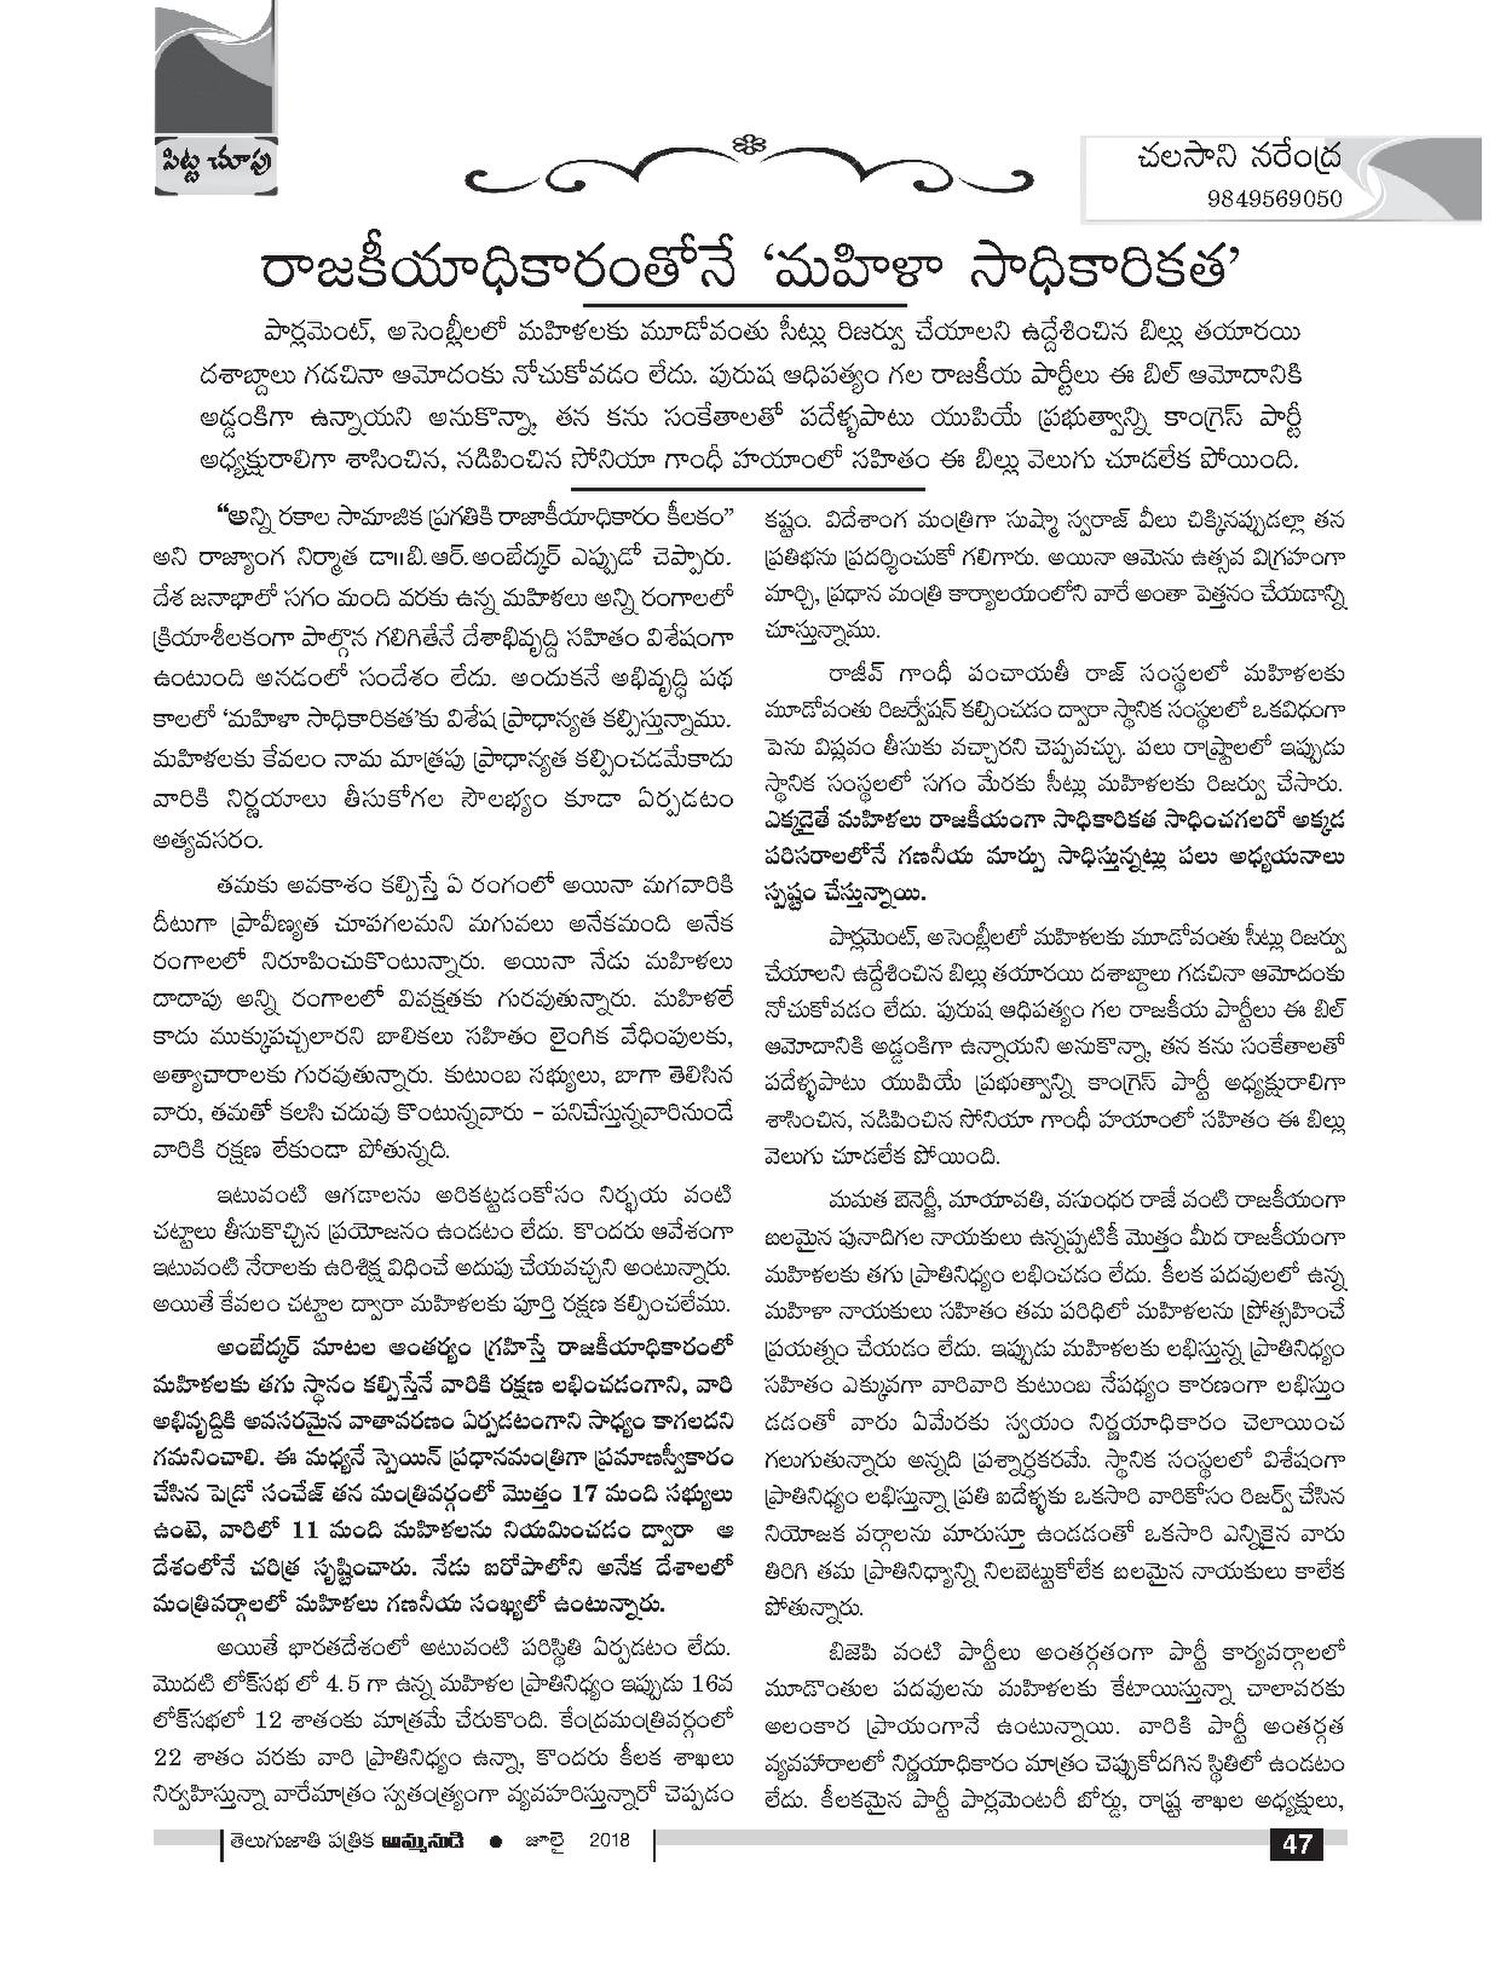రాజకీయాధికారంతోనే 'మహిళా సాధికారికత'

పార్లమెంట్‌, అసెంబ్లీలలో మహిళలకు మూడోవంతు సీట్లు రిజర్వు చేయాలని ఉద్దేశించిన బిల్లు తయారయి దశాబ్దాలు గడచినా ఆమోదంకు నోచుకోవడం లేదు. పురుష ఆధిపత్యం గల రాజకీయ పార్టీలు ఈ బిల్‌ ఆమోదానికి అడ్డంకిగా ఉన్నాయని అనుకొన్నా తన కను సంకేతాలతో పదేళ్ళపాటు యుపియే ప్రభుత్వాన్ని కాంగ్రెస్‌ పార్టీ అధ్యక్షురాలిగా శాసించిన, నడిపించిన సోనియా గాంధీ హయాంలో సహితం ఈ బిల్లు వెలుగు చూడలేక పోయింది.

“అన్ని రకాల సామాజిక ప్రగతికి రాజాకీయాధికారం కీలకం” అని రాజ్యాంగ నిర్మాత డా॥బి.ఆర్‌. అంబేద్కర్‌ ఎప్పుడో చెప్పారు. దేశ జనాభాలో సగం మంది వరకు ఉన్న మహిళలు అన్ని రంగాలలో
క్రియాశీలకంగా పాల్గొన గలిగితేనే దేశాభివృద్ది సహితం విశేషంగా ఉంటుంది అనడంలో సందేశం లేదు. అందుకనే అభివృద్ధి పథకాలలో 'మహిళా సాధికారికత'కు విశేష ప్రాధాన్యత కల్పిస్తున్నాము.
మహిళలకు కేవలం నామ మాత్రపు ప్రాధాన్యత కల్పించడమేకాదు వారికి నిర్ణయాలు తీసుకోగల సౌలభ్యం కూడా ఏర్పడటం అత్యవసరం.

తమకు అవకాశం కల్పిస్తే ఏ రంగంలో అయినా మగవారికి దీటుగా ప్రావీణ్యత చూపగలమని మగువలు అనేకమంది అనేక రంగాలలో నిరూపించుకొంటున్నారు. అయినా నేడు మహిళలు దాదాపు అన్ని రంగాలలో వివక్షతకు గురవుతున్నారు. మహిళలే కాదు ముక్కుపచ్చలారని బాలికలు సహితం లైంగిక వేధింపులకు, అత్యాచారాలకు గురవుతున్నారు. కుటుంబ నభ్యులు, బాగా తెలిసిన వారు, తమతో కలసి చదువు కొంటున్నవారు - పనిచేస్తున్నవారినుండే వారికి రక్షణ లేకుండా పోతున్నది.

ఇటువంటి ఆగడాలను అరికట్టడంకోసం నిర్భయ వంటి చట్టాలు తీసుకొచ్చిన ప్రయోజనం ఉండటం లేదు. కొందరు ఆవేశంగా ఇటువంటి నేరాలకు ఉరిశిక్ష విధించే అదుపు చేయవచ్చని అంటున్నారు.
అయితే కేవలం చట్టాల ద్వారా మహిళలకు పూర్తి రక్షణ కల్పించలేము.

అంబేద్కర్‌ మాటల ఆంతర్యం గ్రహిస్తే రాజకీయాధికారంలో మహిళలకు తగు స్థానం కల్పిస్తేనే వారికి రక్షణ లభించడంగాని, వారి అభివృద్దికి అవసరమైన వాతావరణం ఏర్పడటంగాని సాధ్యం కాగలదని
గమనించాలి. ఈ మధ్యనే స్పెయిన్‌ ప్రధానమంత్రిగా ప్రమాణస్వీకారం చేసిన పెడ్రో సంచేజ్‌ తన మంత్రివర్గంలో మొత్తం 17 మంది సభ్యులు ఉంటె, వారిలో 11 మంది మహిళలను నియమించడం ద్వారా ఆ దేశంలోనే చరిత్ర సృష్టించారు. నేడు ఐరోపాలోని అనేక దేశాలలో మంత్రివర్గాలలో మహిళలు గణనీయ సంఖ్యలో ఉంటున్నారు.

అయితే భారతదేశంలో అటువంటి పరిస్థితి ఏర్పడటం లేదు. మొదటి లోక్‌సభ లో 4.5 గా ఉన్న మహిళల ప్రాతినిధ్యం ఇప్పుడు 16వ లోక్‌సభలో 12 శాతంకు మాత్రమే చేరుకొంది. కేంద్రమంత్రివర్గంలో
22 శాతం వరకు వారి ప్రాతినిధ్యం ఉన్నా కొందరు కీలక శాఖలు నిర్వహిస్తున్నా వారేమాత్రం స్వతంత్ర్యంగా వ్యవహరిస్తున్నారో చెప్పడం కష్టం. విదేశాంగ మంత్రిగా సుష్మా స్వరాజ్‌ వీలు చిక్కినప్పుడల్లా తన ప్రతిభను ప్రదర్శించుకో గలిగారు. అయినా ఆమెను ఉత్సవ విగ్రహంగా మార్చి, ప్రధాన మంత్రి కార్యాలయంలోని వారే అంతా పెత్తనం చేయడాన్ని చూస్తున్నాము.

రాజీవ్‌ గాంధీ పంచాయతీ రాజ్‌ సంస్థలలో మహిళలకు మూడోవంతు రిజర్వేషన్‌ కల్పించడం ద్వారా స్థానిక సంస్థలలో ఒకవిధంగా పెను విప్లవం తీసుకు వచ్చారని చెప్పవచ్చు. వలు రాష్ట్రాలలో ఇప్పుడు
స్థానిక సంస్థలలో సగం మేరకు సీట్లు మహిళలకు రిజర్వు చేసారు. ఎక్కడైతే మహిళలు రాజకీయంగా సాధికారికత సాధించగలరో అక్కడ పరిసరాలలోనే గణనీయ మార్పు సాధిస్తున్నట్లు పలు అధ్యయనాలు
స్పష్టం చేస్తున్నాయి.

పార్లమెంట్‌, అసెంబ్లీలలో మహిళలకు మూడోవంతు సీట్లు రిజర్వు చేయాలని ఉద్దేశించిన బిల్లు తయారయి దశాబ్దాలు గడచినా ఆమోదంకు నోచుకోవడం లేదు. పురుష ఆధిపత్యం గల రాజకీయ పార్టీలు ఈ బిల్‌ ఆమోదానికి అడ్డంకిగా ఉన్నాయని అనుకొన్నా తన కను సంకేతాలతో పదేళ్ళపాటు యుపియే ప్రభుత్వాన్ని కాంగ్రెస్‌ పార్టీ అధ్యక్షురాలిగా శాసించిన, నడిపించిన సోనియా గాంధీ హయాంలో సహితం ఈ బిల్లు వెలుగు చూడలేక పోయింది.

మమత బెనెర్జీ, మాయావతి, వసుంధర రాజే వంటి రాజకీయంగా బలమైన పునాదిగల నాయకులు ఉన్నప్పటికీ మొత్తం మీద రాజకీయంగా మహిళలకు తగు ప్రాతినిధ్యం లభించడం లేదు. కీలక పదవులలో ఉన్న మహిళా నాయకులు సహితం తమ పరిధిలో మహిళలను ప్రోత్సహించే ప్రయత్నం చేయడం లేదు. ఇప్పుడు మహిళలకు లభిస్తున్న ప్రాతినిధ్యం సహితం ఎక్కువగా వారివారి కుటుంబ నేపథ్యం కారణంగా లభిస్తుండడంతో వారు ఏమేరకు స్వయం నిర్ణయాధికారం చెలాయించ
గలుగుతున్నారు అన్నది ప్రశ్నార్ధకరమే. స్థానిక సంస్థలలో విశేషంగా. ప్రాతినిధ్యం లభిస్తున్నా ప్రతి ఐదేళ్ళకు ఒకసారి వారికోసం రిజర్వ్‌ చేసిన నియోజక వర్గాలను మారుస్తూ ఉండడంతో ఒకసారి ఎన్నికైన వారు తిరిగి తమ ప్రాతినిధ్యాన్ని నిలబెట్టుకోలేక బలమైన నాయకులు కాలేక పోతున్నారు.

బిజెపి వంటి పార్టీలు అంతర్గతంగా పార్టీ కార్యవర్గాలలో మూడొంతుల పదవులను మహిళలకు కేటాయిస్తున్నా చాలావరకు అలంకార ప్రాయంగానే ఉంటున్నాయి. వారికి పార్టీ అంతర్గత
వ్యవహారాలలో నిర్ణయాధికారం మాత్రం చెప్పుకోదగిన స్థితిలో ఉండటం లేదు. కీలకమైన పార్టీ పార్లమెంటరీ బోర్డు, రాష్ట్ర శాఖల అధ్యక్షులు,